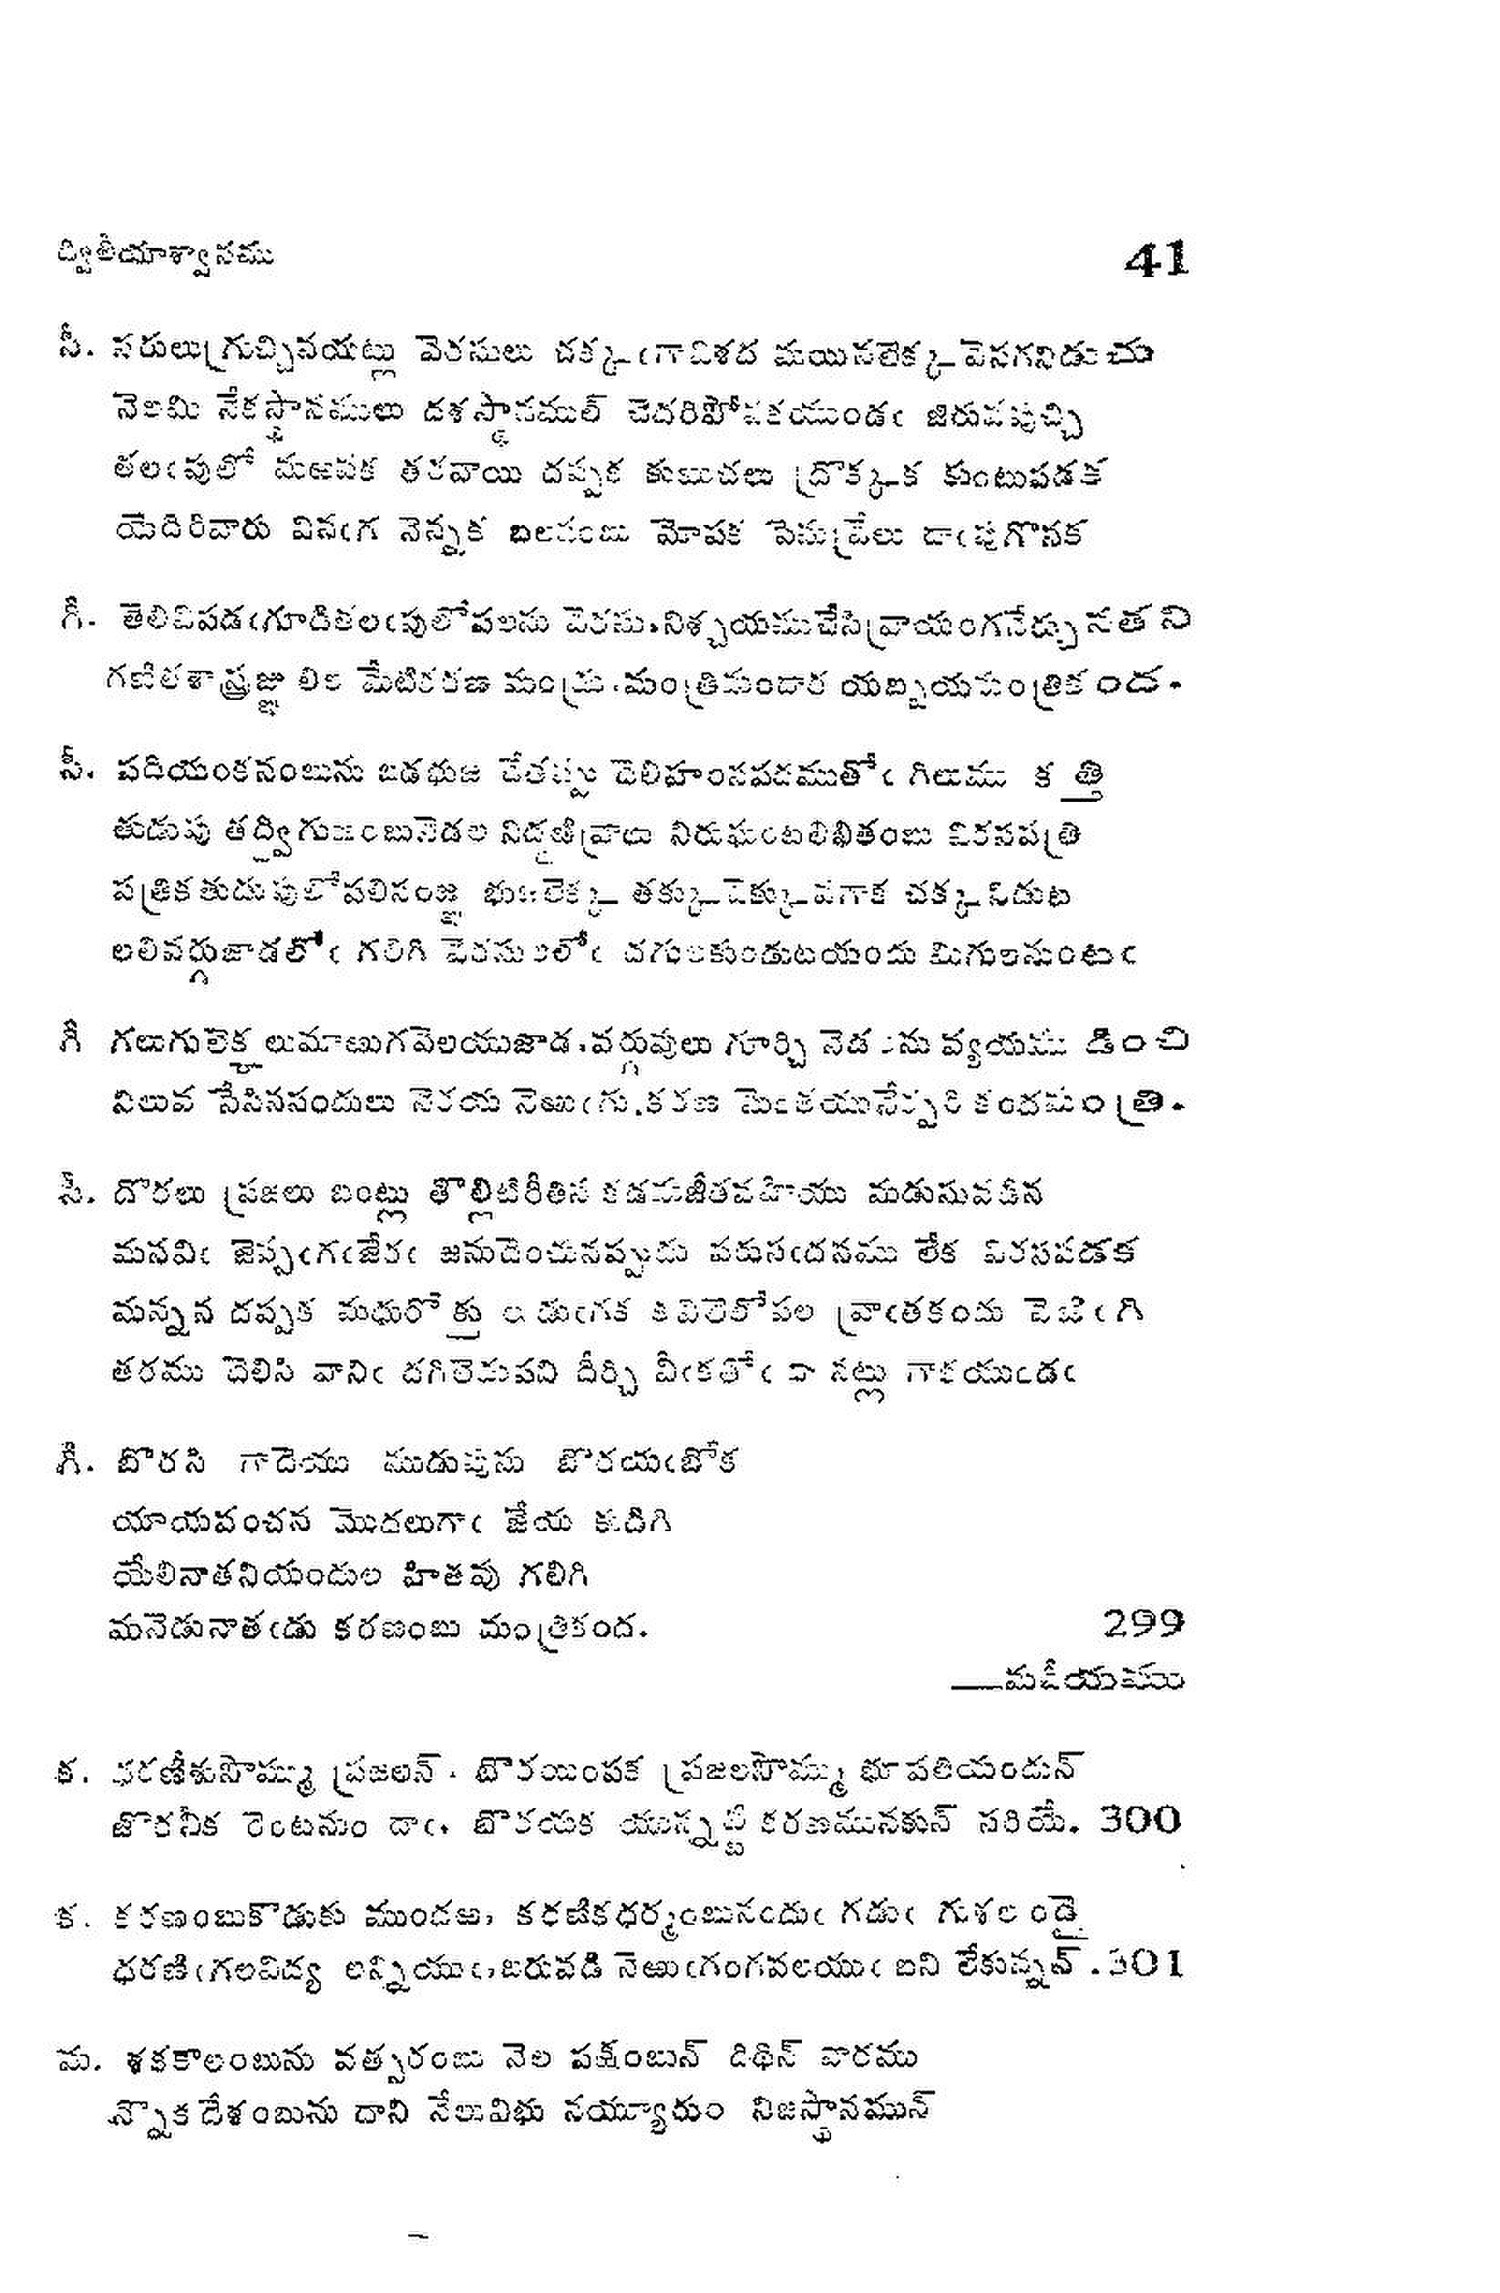సీ. సరులు గుచ్చినయట్లు వెరసులు చక్కఁగా
విదిశ మయిన లెక్క వెసగవిడుచు
నెలమి నేకస్థానములు దశస్థానముల్
చెదరిపోవకయుండఁ జిరువపుచ్చి
తలఁపులో మఱవక తరవాయి దప్పక
కుఱుచలు ద్రొక్కక కుంటుపడక
యెదిరివారు వినఁగ నెన్నక బలపంబు
మోపక పెనువ్రేలు దాఁపుగొనక
గీ. తెలివిపడఁగూడి తలఁపులోపలను వెరసు
నిశ్చయము చేసి వ్రాయంగ నేర్చు నతని
గణితశాస్త్రజ్ఞు లిల మేటికరణ మండ్రు
మంత్రిమందార యబ్బయమంత్రి కంద. 297

సీ. పదియంకనంబును బడభుజ చేతప్పు
దెలిహంసపదముతోఁ గిలుము కత్తి
తుడుపు తద్ద్విగుణంబునెడల నిద్దఱివ్రాలు
నిరుఘంటలిఖితంబు విరసపత్రి
పత్రికతుడుపులోపలిసంజ్ఞ భుజలెక్క
తక్కువెక్కువగాక చక్కనిడుట
లలివర్గుజాడలోఁ గలిగి వెరసులలోఁ
దగులకుండుటయందు మిగులమంటఁ
గీ. గలుగులెక్కలుమాఱుగ వెలయు జాడ
వర్గవులు గూర్చి నెడలను వ్యయము డించి
నిలువ సేసినసందులు నెరయ నెఱుఁగు
కరణ మెంతయు నేర్పరి కందమంత్రి. 298

సీ. దొరలు ప్రజలు బంట్లు తొల్లిటిరీతిన
కడమజీతవహియు మడుసువడిన
మనవిఁ జెప్పఁగఁ జేరఁ చనుదెంచునప్పుడు
పరుసఁదనము లేక విరసపడక
మన్నన దప్పక మధురోక్తు లుడుఁగక
కవిలెలోపల వ్రాఁతకందు వెఱిఁగి
తరము దెలిసి వానిఁ దగిలెడుపని దీర్చి
వీఁకతోఁ దా నట్లు గాకయుండఁ
గీ. బొరసి గాదెయు ముడుపును బొరయఁబోక
యాయవంచన మొదలుగాఁ జేయ కుడిగి
యేలినాతనియందుల హితవు గలిగి
మనెడునాతఁడు కరణంబు మంత్రికంద. 299

క. ధరణీశుసొమ్ము ప్రజలన్
బొరయింపక ప్రజలసొమ్ము భూపతియందున్
జొరనీక రెంటనుం దాఁ
బొరయక యున్నట్టి కరణమునకున్ సరియే. 300

క. కరణంబుకొడుకు ముందఱ
కరణికధర్మంబునందుఁ గడుఁ గుశలుండై
ధరణిఁగల విద్య లన్నియుఁ
బరువిడి నెఱుఁగంగవలయుఁ బని లేకున్నన్. 301

మ. శకకాలంబును వత్సరంబు నెల పక్షంబున్ దిథిన్ వారము
న్నొకదేశంబును దాని నేలు విభు నయ్యూరుం నిజస్థానమున్